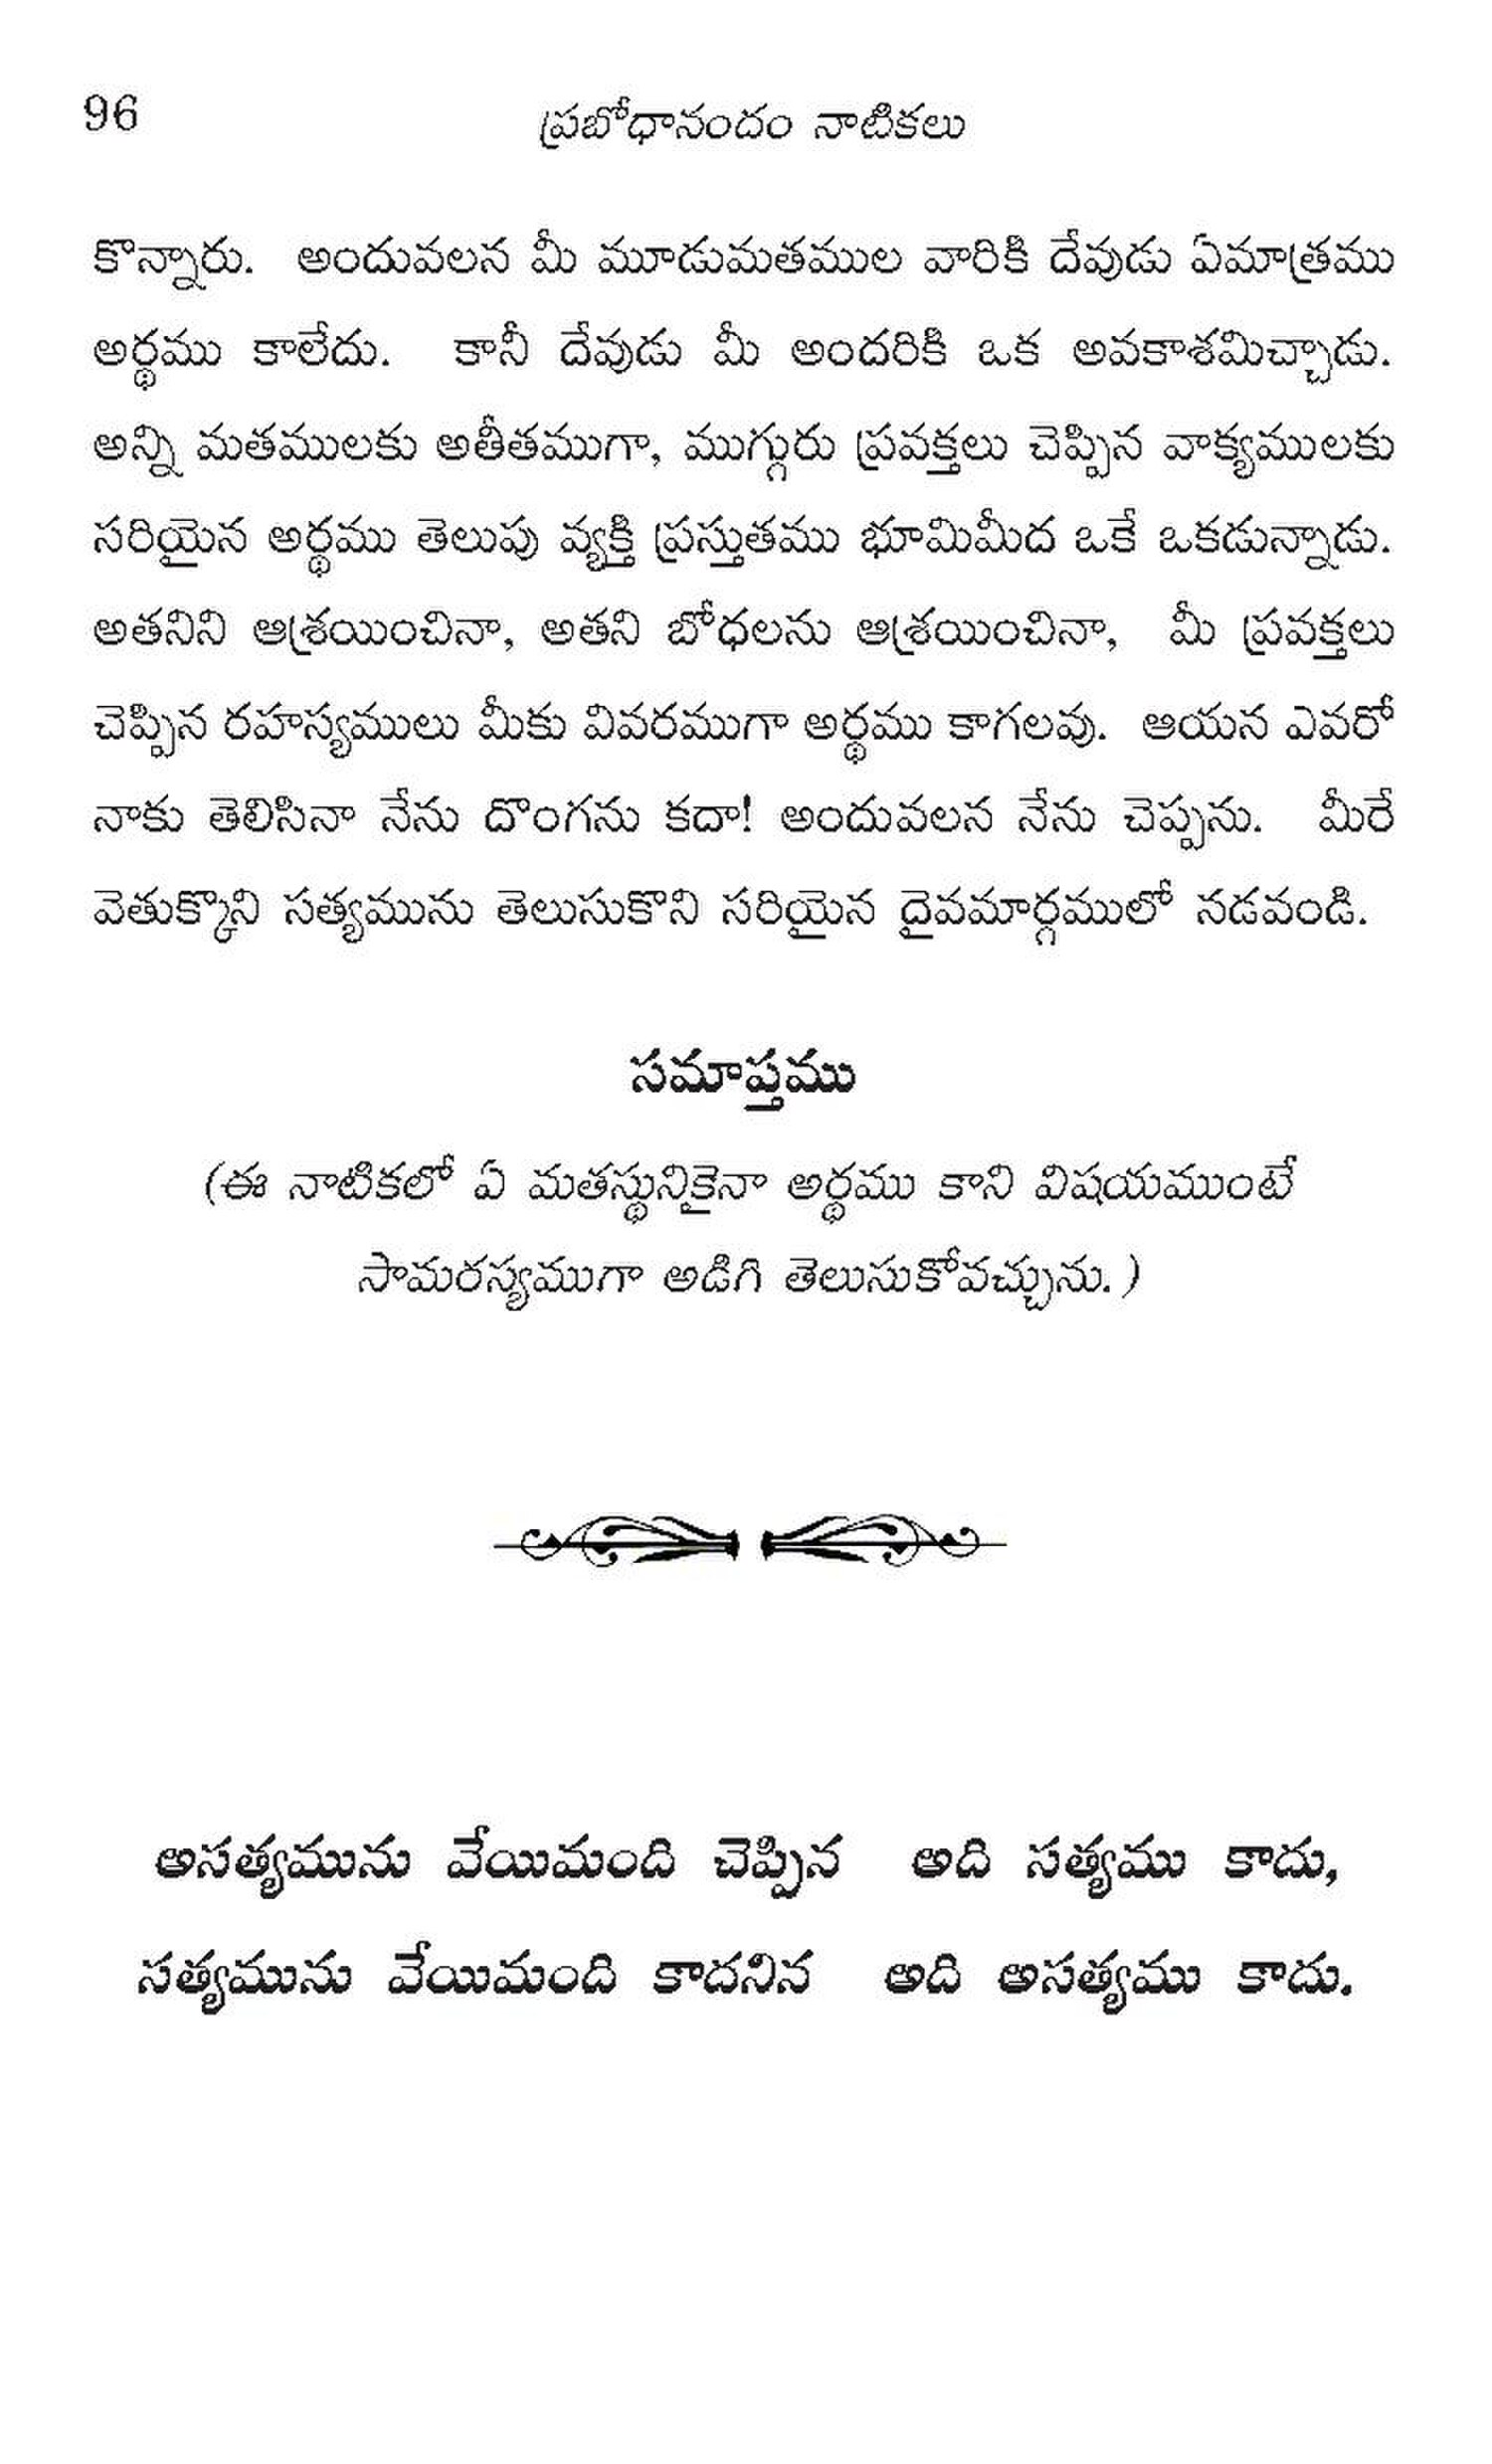కొన్నారు. అందువలన మీ మూడుమతముల వారికి దేవుడు ఏమాత్రము అర్థము కాలేదు. కానీ దేవుడు మీ అందరికి ఒక అవకాశమిచ్చాడు. అన్ని మతములకు అతీతముగా, ముగ్గురు ప్రవక్తలు చెప్పిన వాక్యములకు సరియైన అర్థము తెలుపు వ్యక్తి ప్రస్తుతము భూమిమీద ఒకే ఒకడున్నాడు. అతనిని ఆశ్రయించినా, అతని బోధలను ఆశ్రయించినా, మీ ప్రవక్తలు చెప్పిన రహస్యములు మీకు వివరముగా అర్థము కాగలవు. ఆయన ఎవరో నాకు తెలిసినా నేను దొంగను కదా! అందువలన నేను చెప్పను. మీరే వెతుక్కొని సత్యమును తెలుసుకొని సరియైన దైవమార్గములో నడవండి.